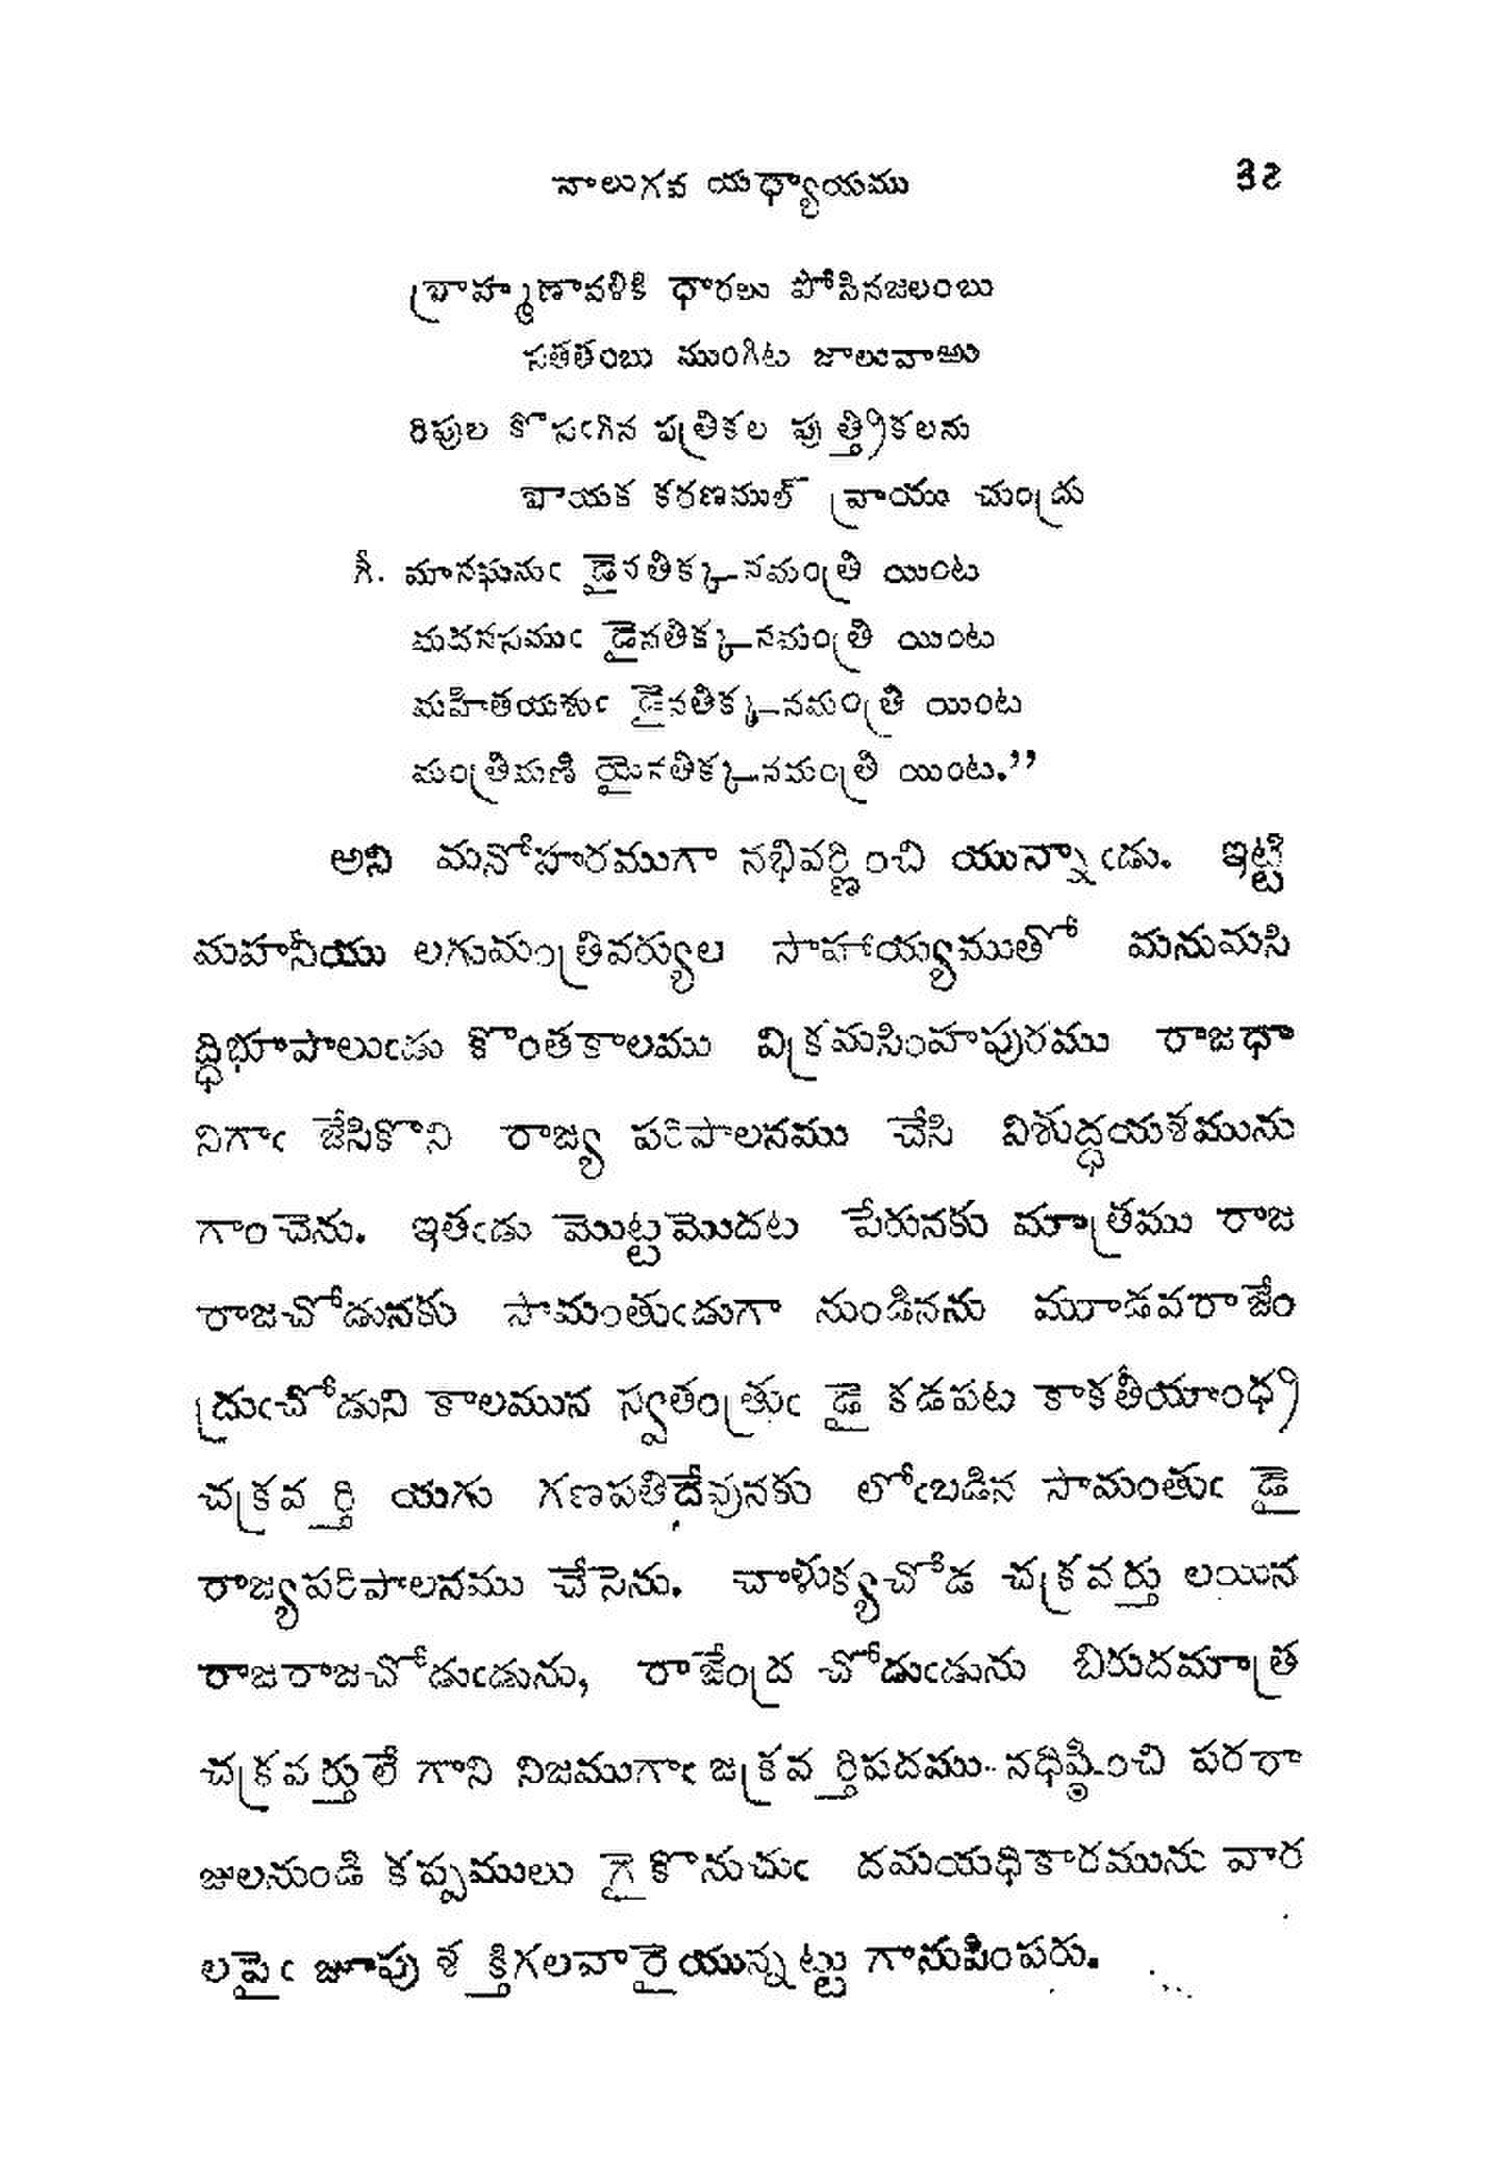బ్రాహ్మణావళికి ధారలు పోసినజలంబు
 సతతంబు ముంగిట జాలువాఱు 
రిపుల కొసఁగిన పత్రికల పుత్త్రికలను
 బాయక కరణముల్ వ్రాయు చుంద్రు 

గీ. మానఘనుఁ డైనతిక్కనమంత్రి యింట 
 మదనసముఁ డైనతిక్కనమంత్రి యింట 
 మహితయశుఁ డైనతిక్కనమంత్రి యింట
 మంత్రిమణి యైనతిక్కనమంత్రి యింట." 
అని మనోహరముగా నభివర్ణించి యున్నాఁడు. ఇట్టి మహనీయు లగుమంత్రివర్యుల సాహాయ్యముతో మనుమసిద్ధిభూపాలుఁడు కొంతకాలము విక్రమసింహపురము రాజధానిగాఁ జేసికొని రాజ్య పరిపాలనము చేసి విశుద్ధయశమును గాంచెను. ఇతఁడు మొట్టమొదట పేరునకు మాత్రము రాజరాజచోడునకు సామంతుఁడుగా నుండినను మూడవరాజేంద్రుఁచోడుని కాలమున స్వతంత్రుఁ డై కడపట కాకతీయాంధ్ర చక్రవర్తి యగు గణపతిదేవునకు లోఁబడిన సామంతుఁ డై రాజ్యపరిపాలనము చేసెను. చాళుక్యచోడ చక్రవర్తు లయిన రాజరాజచోడుఁడును, రాజేంద్ర చోడుఁడును బిరుదమాత్ర చక్రవర్తులే గాని నిజముగాఁ జక్రవర్తిపదము నధిష్ఠించి పరరాజులనుండి కప్పములు గైకొనుచుఁ దమయధికారమును వారలపైఁ జూపు శక్తిగలవారైయున్నట్టు గానుపింపరు.